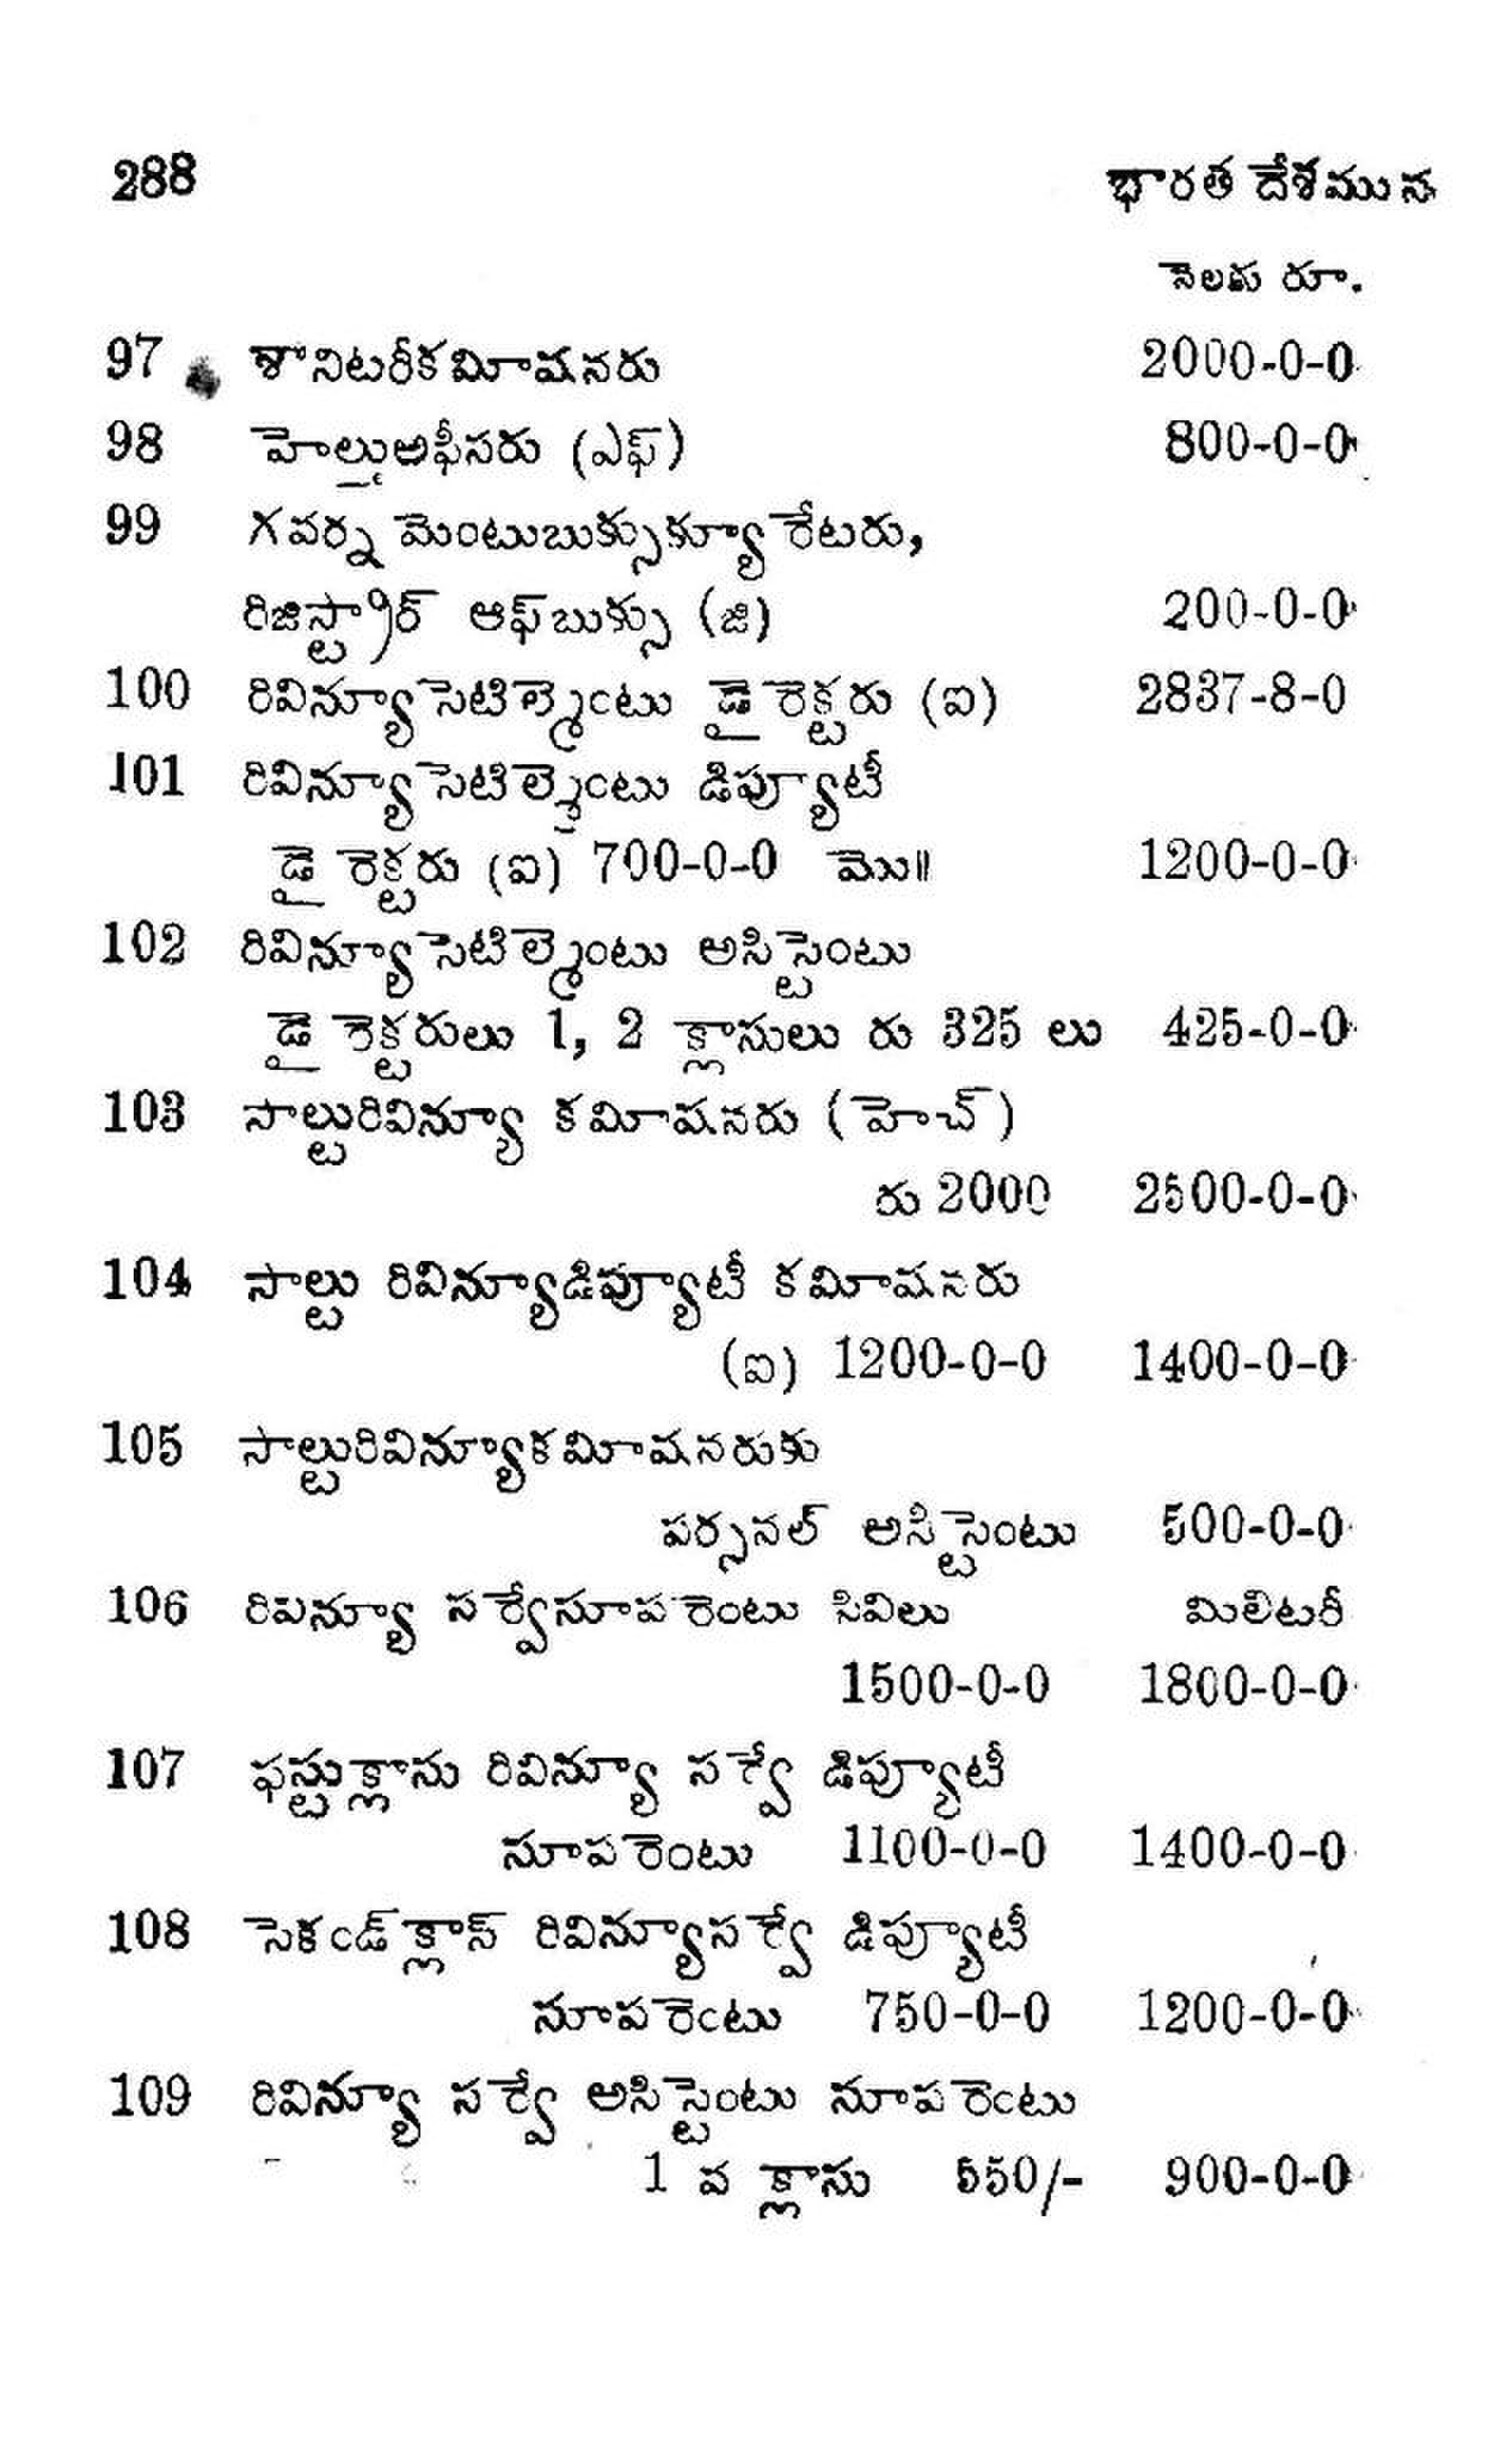97 శానిటరీకమీషనరు నెలకు రూ. 2000-0-0 98 హెల్తుఆఫీసరు (ఎఫ్) 800-0-0 99 గవర్నమెంటుబుక్సుక్యూరేటరు, రిజిస్ట్రార్ ఆఫ్‌బుక్సు (జి) 200-0-0 100 రివిన్యూసెటిల్మెంటు డైరెక్టరు (ఐ) 2837-8-0 101 రివిన్యూసెటిల్మెంటు డిప్యూటీ డైరెక్టరు (ఐ) 700-0-0 మొదలు 1200-0-0 102 రివిన్యూసెటిల్మెంటు అసిస్టెంటు డైరెక్టరులు 1, 2 క్లాసులు 325 లు 425-0-0 103 సాల్టురివిన్యూ కమీషనరు (హెచ్) 2000, 2500-0-0 104 సాల్టు రివిన్యూడిప్యూటీ కమీషనరు (ఐ) 1200, 1400-0-0 105 సాల్టురివిన్యూకమీషనరుకు పర్సనల్ అసిస్టెంటు 500-0-0 106 రివిన్యూ సర్వేసూపరెంటు సివిలు 1500-0-0 మిలటరీ 1800-0-0 107 ఫస్టుక్లాసు రివిన్యూ సర్వే డిప్యూటీ సూపరెంటు 1100-0-0 - 1400-0-0 108 సెకండ్‌క్లాస్ రివిన్యూసర్వే డిప్యూటీ సూపరెంటు 750-0-0 - 1200-0-0 109 రివిన్యూసర్వే అసిస్టెంటు సూపరెంటు 1 వ క్లాసు 550/- 900-0-0